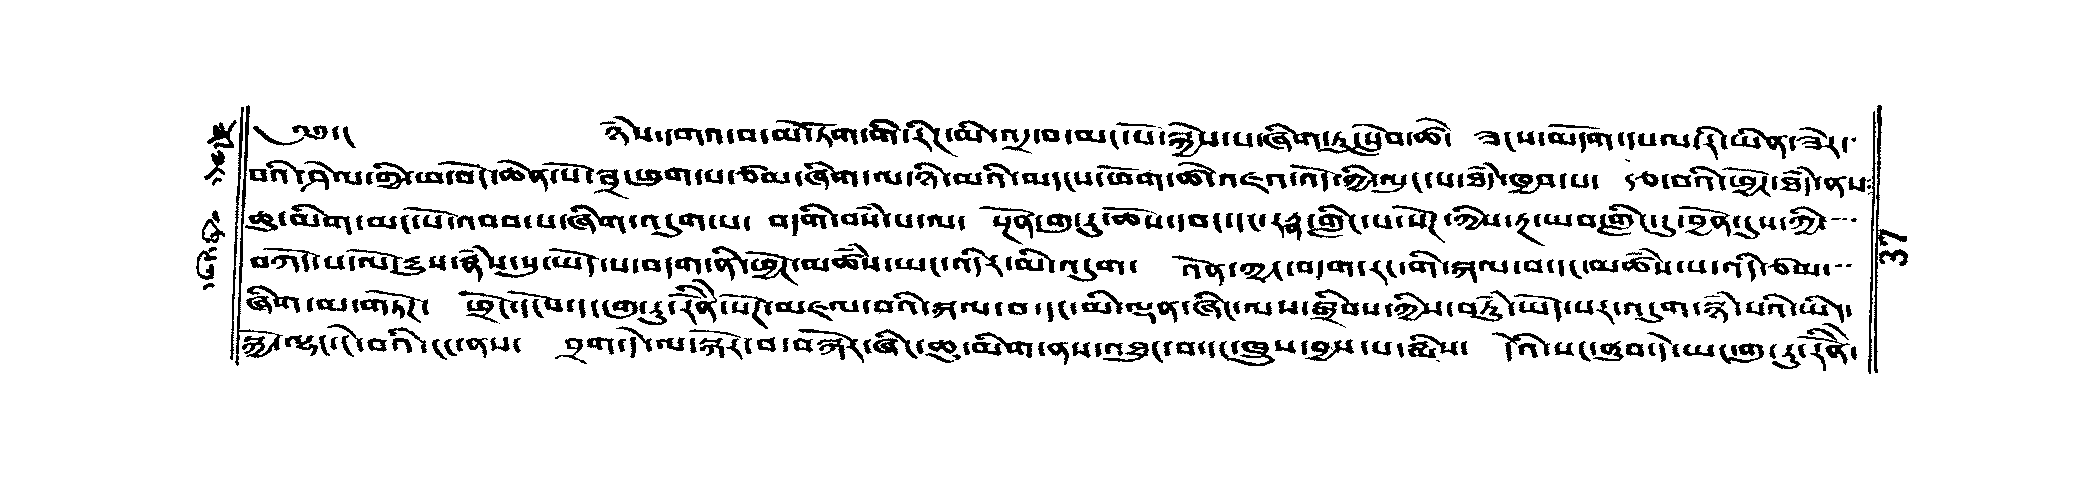ཉམས་དགའ་བ་མེ་ཏོག་གི་རིགས་མི་འདྲ་བ་མང་པོ་སྐྱེས་པ་ཞིག་ཏུ་སླེབ་ཚེ། ཟངས་མདོག་དཔལ་རི་ཡིན་ཟེར་
བའི་ཤེལ་གྱི་ཕ་བོང་ཆེན་པོ་སྦྲ་ཕུབ་པ་ཙམ་ཞིག་ལ་ཉི་མའི་མདངས་ཕོག་ཚེ་འཇའ་འོད་ཀྱི་ལུང་པ་ཐམས་ཅད་ཁྱབ་པ། རྩ་བའི་ཕྱོགས་ཐམས་ཅད་ནས་
ཆུ་མིག་མང་པོ་འབབ་པ་ཞིག་འདུག་པ། བདག་གི་བསམ་པ་ལ། སྔོན་གུ་རུ་ཆོས་དབང་དང་རཏྣ་གླིང་པ་སོགས་ཀྱིས་རྔ་ཡབ་གླིང་དུ་བྱོན་དུས་ཀྱི་
བཀོད་པ་ལོ་རྒྱུས་རྣམས་སུ་ཡོད་པ་བདག་ནི་ཕྱོགས་མཚམས་ཡང་འདིར་མི་འདུག འོན་ཀྱང་བདག་རང་གི་སྐལ་བ་དང་འཚམས་པ་འདི་ཙམ་
ཞིག་མ་གཏོགས། ཕོ་བྲང་དངོས་དང་གུ་རུ་རིན་པོ་ཆེ་སོགས་མཇལ་བའི་སྐལ་བ་དང་མི་ལྡན་ཞིང་ལས་སྒྲིབས་ཀྱིས་བཏུམ་ཡོད་པར་འདུག་སྙམ་པའི་ཡིད་
སྐྱོ་ལྷང་ངེ་བའི་ངང་ནས། བྲག་དེ་ལ་སྐོར་བ་བསྐོར་ཞིང་ཆུ་མིག་ནས་འཐུང་བ་དང་ཁྲུས་བྱས་པ་རྨིས། དེའི་སང་ནུབ་དེ་ཡང་གུ་རུ་རིན་པོ་ཆེ་